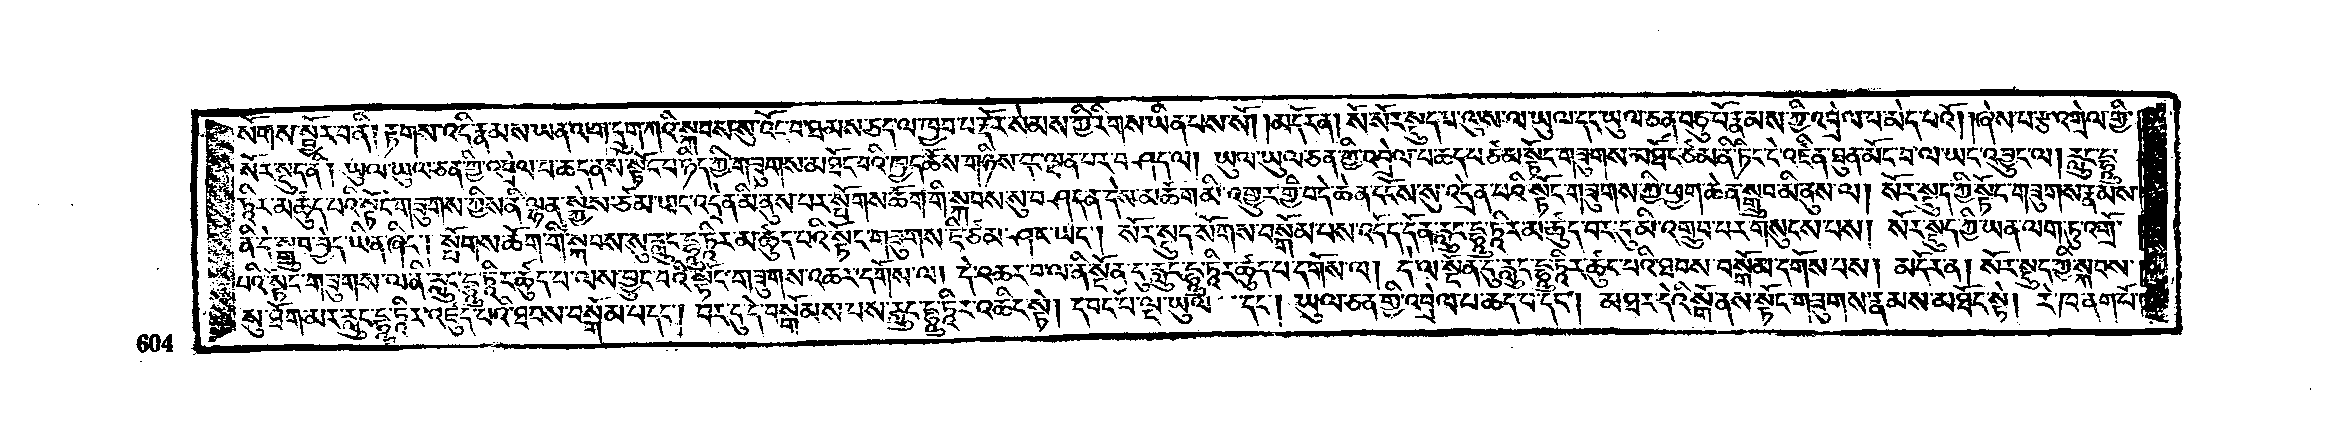སོགས་སྦྱོར་བ་ནི། རྟགས་འདི་རྣམས་ཡན་ལག་དྲུག་གའི་སྐབས་སུ་འོང་བ་ཐམས་ཅད་ལ་ཁྱབ་པ་རྡོར་སེམས་ཀྱི་རིགས་ཡིན་པས་སོ། །མདོར་ན། སོ་སོར་སྡུད་པ་ལུས་ལ་ཡུལ་དང་ཡུལ་ཅན་བཅུ་པོ་རྣམས་ཀྱི་འབྲེལ་པ་མེད་པའོ། །ཞེས་པ་རྩ་འགྲེལ་གྱི་
སོར་སྡུད་ནི། ཡུལ་ཡུལ་ཅན་གྱི་འབྲེལ་པ་ཆད་ནས་སྟོང་པ་ཉིད་ཀྱི་གཟུགས་མཐོང་བའི་ཁྱད་ཆོས་གཉིས་དང་ལྡན་པར་བཤད་ལ། ཡུལ་ཡུལ་ཅན་གྱི་འབྲེལ་པ་ཆད་པ་ཙམ་སྟོང་གཟུགས་མཐོང་ཙམ་ནི་ཏིང་ངེ་འཛིན་ཐུན་མོང་བ་ལ་ཡང་འབྱུང་ལ། རླུང་དྷཱུ་
ཏཱིར་མ་ཚུད་པའི་སྟོང་གཟུགས་ཀྱིས་ནི་ལྷན་སྐྱེས་ཙམ་ཡང་འདྲེན་མི་ནུས་པར་སྤོགས་ཆོག་གི་སྐབས་སུ་བཤད་ན་དེས་མཆོག་མི་འགྱུར་གྱི་བདེ་ཆེན་དངོས་སུ་འདྲེན་པའི་སྟོང་གཟུགས་ཀྱི་ཕྱག་ཆེན་སྒྲུབ་མི་ནུས་ལ། སོར་སྡུད་ཀྱི་སྟོང་གཟུགས་རྣམས་
ནི་དེ་སྒྲུབ་བྱེད་ཡིན་ཞིང་། སྤོགས་ཆོག་གི་སྐབས་སུ་རླུང་དྷཱུ་ཏཱིར་མ་ཚུད་པའི་སྟོང་གཟུགས་ཇི་ཙམ་ཤར་ཡང་། སོར་སྡུད་སོགས་བསྒོམ་པས་འདོད་དོན་རླུང་དྷཱུ་ཏཱིར་མ་ཚུད་བར་དུ་མི་འགྲུབ་པར་གསུངས་པས། སོར་སྡུད་ཀྱི་ཡན་ལག་ཏུ་འགྲོ་
པའི་སྟོང་གཟུགས་ལ་ནི་རླུང་དྷཱུ་ཏཱིར་ཚུད་པ་ལས་བྱུང་བའི་སྟོང་གཟུགས་འཆར་དགོས་ལ། དེ་འཆར་བ་ལ་ནི་སྔོན་དུ་རླུང་དྷཱུ་ཏཱིར་ཚུད་པ་དགོས་ལ། དེ་ལ་སྔོན་དུ་རླུང་དྷཱུ་ཏཱིར་ཚུད་པའི་ཐབས་བསྒོམ་དགོས་པས། མདོར་ན། སོར་སྡུད་ཀྱི་སྐབས་
སུ་ཐོག་མར་རླུང་དྷཱུ་ཏཱིར་འཛུད་པའི་ཐབས་བསྒོམ་པ་དང་། བར་དུ་དེ་བསྒོམས་པས་རླུང་དྷཱུ་ཏཱིར་འཆིང་སྟེ། དབང་པོ་ལྔ་ཡུལ་དང་། ཡུལ་ཅན་གྱི་འབྲེལ་པ་ཆད་པ་དང་། མཐར་དེའི་སྒོ་ནས་སྟོང་གཟུགས་རྣམས་མཐོང་སྟེ། རེ་ཁ་ནག་པོ།